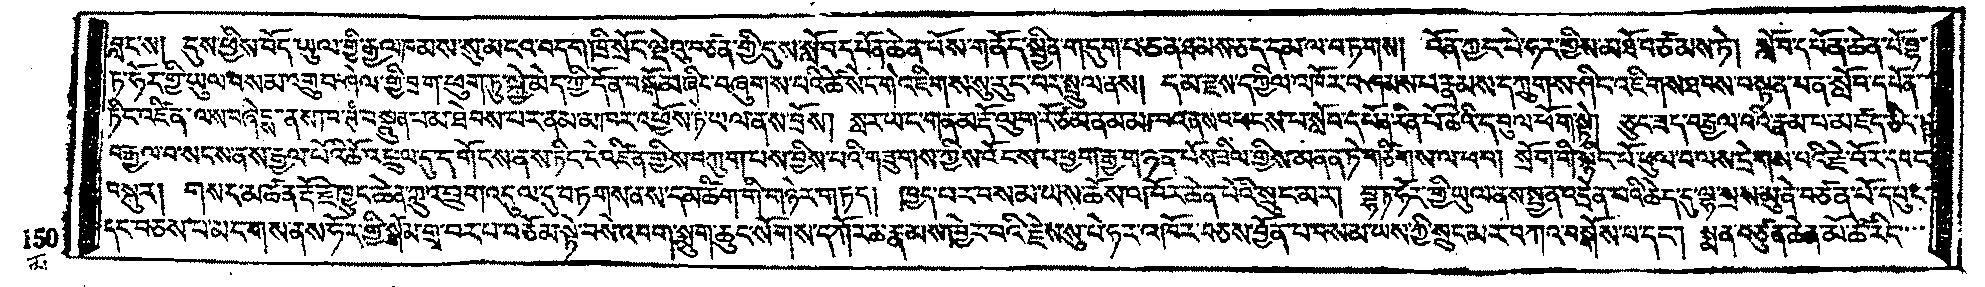བླངས། དུས་ཕྱིས་བོད་ཡུལ་གྱི་རྒྱལ་ཁམས་སུ་མངའ་བདག་ཁྲི་སྲོང་ལྡེའུ་བཙན་གྱི་དུས་སློབ་དཔོན་ཆེན་པོས་གནོད་སྦྱིན་གདུག་པ་ཅན་ཐམས་ཅད་དམ་ལ་བཏགས། འོན་ཀྱང་པེ་ཧར་གྱིས་མཐོ་བཙམས་ཏེ། སློབ་དཔོན་ཆེན་པོ་བྷ་
ཏ་ཧོར་གྱི་ཡུལ་བསམ་འགྲུབ་ཤེལ་གྱི་བྲག་ཕུག་ཏུ་སྐྱེ་མེད་ཀྱི་དོན་བསྒོམ་ཞིང་བཞུགས་པའི་ཚེ་སེང་གེ་འཇིགས་སུ་རུང་བར་སྤྲུལ་ནས། དམ་རྫས་དཀྱིལ་འཁོར་བཤམས་པ་རྣམས་དཀྲུགས་ཤིང་འཇིགས་ཐབས་བསྟན་པ་ན་སློབ་དཔོན་
ཏིང་འཛིན་ལས་བཞེངས་ནས་ཁ་ཊཾ་བསྣུན་པ་མ་ཐེབས་པར་ནམ་མཁར་འཕྱོས་ཏེ་ཡལ་ནས་བྲོས། སླར་ཡང་གནམ་རྡོ་ལུག་རོ་ཙམ་ནམ་མཁའ་ནས་འཕངས་པ་སློབ་དཔོན་རིན་པོ་ཆེའི་དབུ་ལ་ཕོག་སྟེ། ཅུང་ཟད་བརྒྱལ་བའི་རྣམ་པ་མཛད་ཅིང་།
བརྒྱལ་བ་སངས་ནས་རྒྱལ་པོའི་ཆོ་འཕྲུལ་དུ་དགོངས་ནས་ཏིང་ངེ་འཛིན་གྱིས་བཀུག་པས་བྱིས་པའི་གཟུགས་ཀྱིས་འོངས་པ་ཕྱག་རྒྱ་གཉན་པོས་ཟིལ་གྱིས་མནན་ཏེ་གཙིགས་ལ་ཕབ། སྲོག་གི་སྙིང་པོ་ཕུལ་བ་ལས་དྲེགས་པའི་རྗེ་བོར་དབང་
བསྐུར། གསང་མཚན་རྡོ་རྗེ་ཁྱུང་ཆེན་ཀླུ་འབྲུག་འདུལ་དུ་བཏགས་ནས་དམ་ཚིག་གི་གཉེར་གཏད། ཁྱད་པར་བསམ་ཡས་ཆོས་འཁོར་ཆེན་པོའི་སྲུང་མར། བྷ་ཏ་ཧོར་གྱི་ཡུལ་ནས་སྤྱན་འདྲེན་པའི་ཆེད་དུ་ལྷ་སྲས་མུ་ནེ་བཙན་པོ་དཔུང་
དང་བཅས་པ་མངགས་ནས་ཧོར་གྱི་སྒོམ་གྲྭ་བར་པ་བཅོམ་སྟེ་བསེ་འབག་སྨུག་ཆུང་སོགས་དཀོར་ཆ་རྣམས་ཁྱེར་བའི་རྗེས་སུ་པེ་ཧར་འཁོར་བཅས་བྱོན་པ་བསམ་ཡས་ཀྱི་སྲུང་མར་བཀའ་བསྒོས་པ་དང་། སྨན་བཙུན་ཆེན་མོ་ཚེ་རིང་